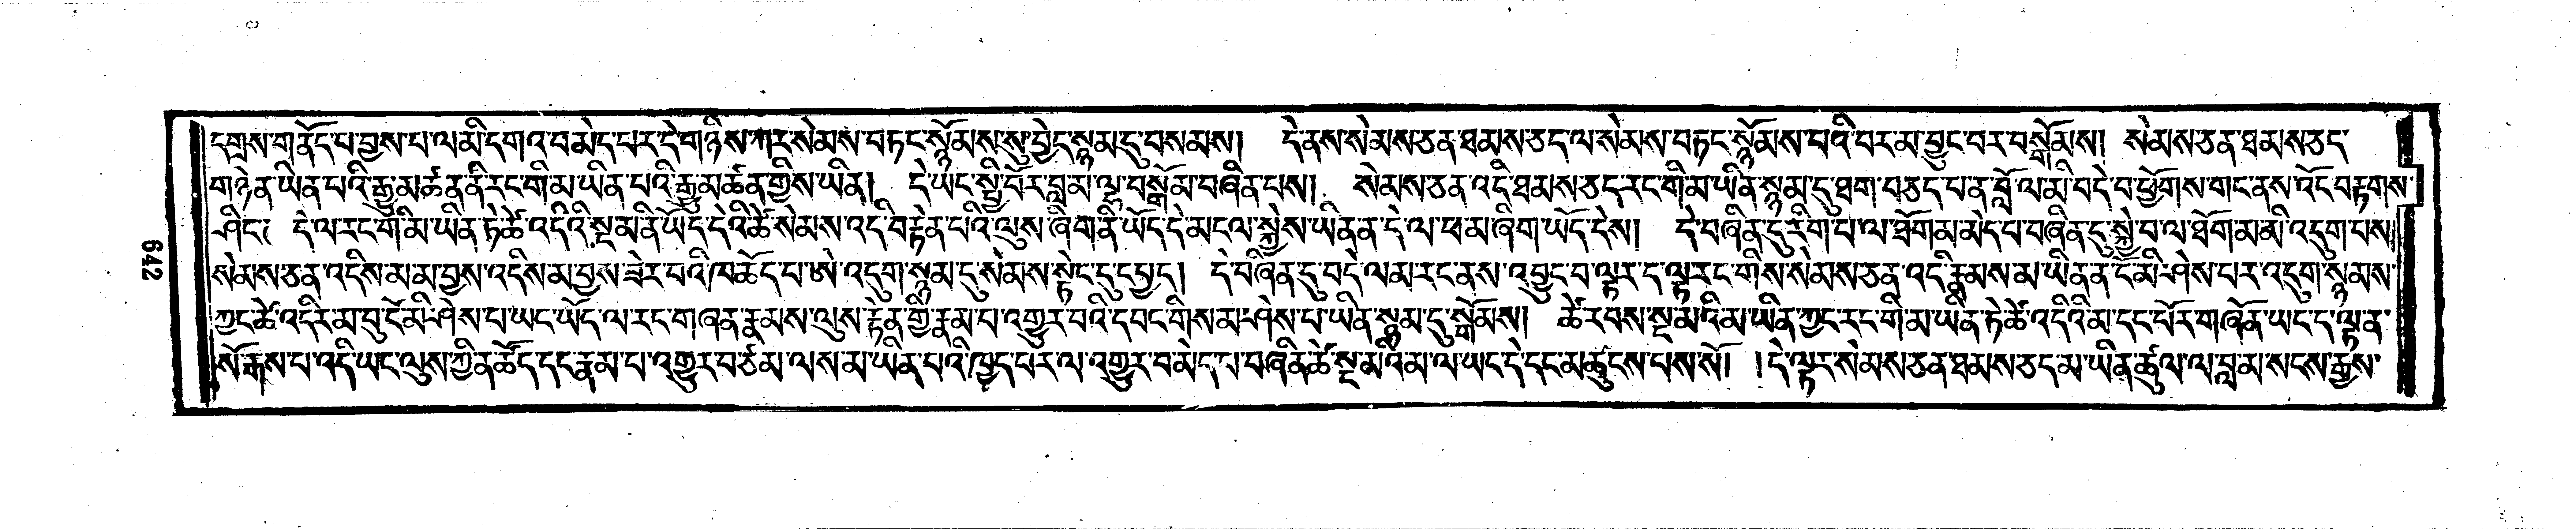དགྲས་གནོད་པ་བྱས་པ་ལ་མི་དགའ་བ་མེད་པར་དེ་གཉིས་ཀར་སེམས་བཏང་སྙོམས་སུ་བྱེད་སྙམ་དུ་བསམས། དེ་ནས་སེམས་ཅན་ཐམས་ཅད་ལ་སེམས་བཏང་སྙོམས་པའི་བར་མ་བྱུང་བར་བསྒོམས། སེམས་ཅན་ཐམས་ཅད་
གཉེན་ཡིན་པའི་རྒྱུ་མཚན་ནི་རང་གི་མ་ཡིན་པའི་རྒྱུ་མཚན་གྱིས་ཡིན། དེ་ཡང་སྤྱི་བོར་བླ་མ་ལྷ་བསྒོམ་བཞིན་པས། སེམས་ཅན་འདི་ཐམས་ཅད་རང་གི་མ་ཡིན་སྙམ་དུ་ཐག་བཅད་པ་ན་བློ་ལ་མི་བདེ་བ་ཕྱོགས་གང་ནས་འོད་བརྟགས་
ཤིང༑ དེ་ལ་རང་གི་མ་ཡིན་ཏེ་ཚེ་འདིའི་སྔ་མ་ནི་ཡོད་དེའི་ཚེ་སེམས་འདི་བརྟེན་པའི་ལུས་ཞིག་ནི་ཡོད་དེ་མངལ་སྐྱེས་ཡིན་ན་དེ་ལ་ཕ་མ་ཞིག་ཡོད་དེས། དེ་བཞིན་དུ་རིག་པ་ལ་ཐོག་མ་མེད་པ་བཞིན་དུ་སྐྱེ་བ་ལ་ཐོག་མམ་ཨི་འདུག་པས།
སེམས་ཅན་འདིས་མ་མ་བྱས་འདིས་མ་བྱས་ཟེར་བའི་ཁ་ཆོད་པ་ཨེ་འདུག་སྙམ་དུ་སེམས་སྟེང་དུ་དཔྱད། དེ་བཞིན་དུ་བདེ་ལམ་རང་ནས་འབྱུང་བ་ལྟར་ད་ལྟར་གིས་སེམས་ཅན་འདི་རྣམས་མ་ཡིན་ན་ངོ་མི་ཤེས་པར་འདུག་སྙམས་
ཀྱང་ཚེ་འདིར་མ་བུ་ངོ་མི་ཤེས་པ་ཡང་ཡོད་ལ་རང་གཞན་རྣམས་ལུས་རྟེན་གྱི་རྣམ་པ་འགྱུར་བའི་དབང་གིས་མ་ཤེས་པ་ཡིན་སྙམ་དུ་སྒོམས། ཚེ་རབས་སྔ་མའི་མ་ཡིན་ཀྱང་རང་གི་མ་ཡིན་ཏེ་ཚེ་འདིའི་མ་དང་པོར་གཞོན་ཡང་ད་ལྟ་ན་
སོ་རྒས་པ་འདི་ཡང་ལུས་ཀྱི་ན་ཚོད་དང་རྣམ་པ་འགྱུར་བ་ཙམ་ལས་མ་ཡིན་པའི་ཁྱད་པར་ལ་འགྱུར་བ་མེད་པ་བཞིན་ཚེ་སྔ་མའི་མ་ལ་ཡང་དེ་དང་མཚུངས་པས་སོ། །དེ་ལྟར་སེམས་ཅན་ཐམས་ཅད་མ་ཡིན་ཚུལ་ལ་བླ་མ་སངས་རྒྱས་